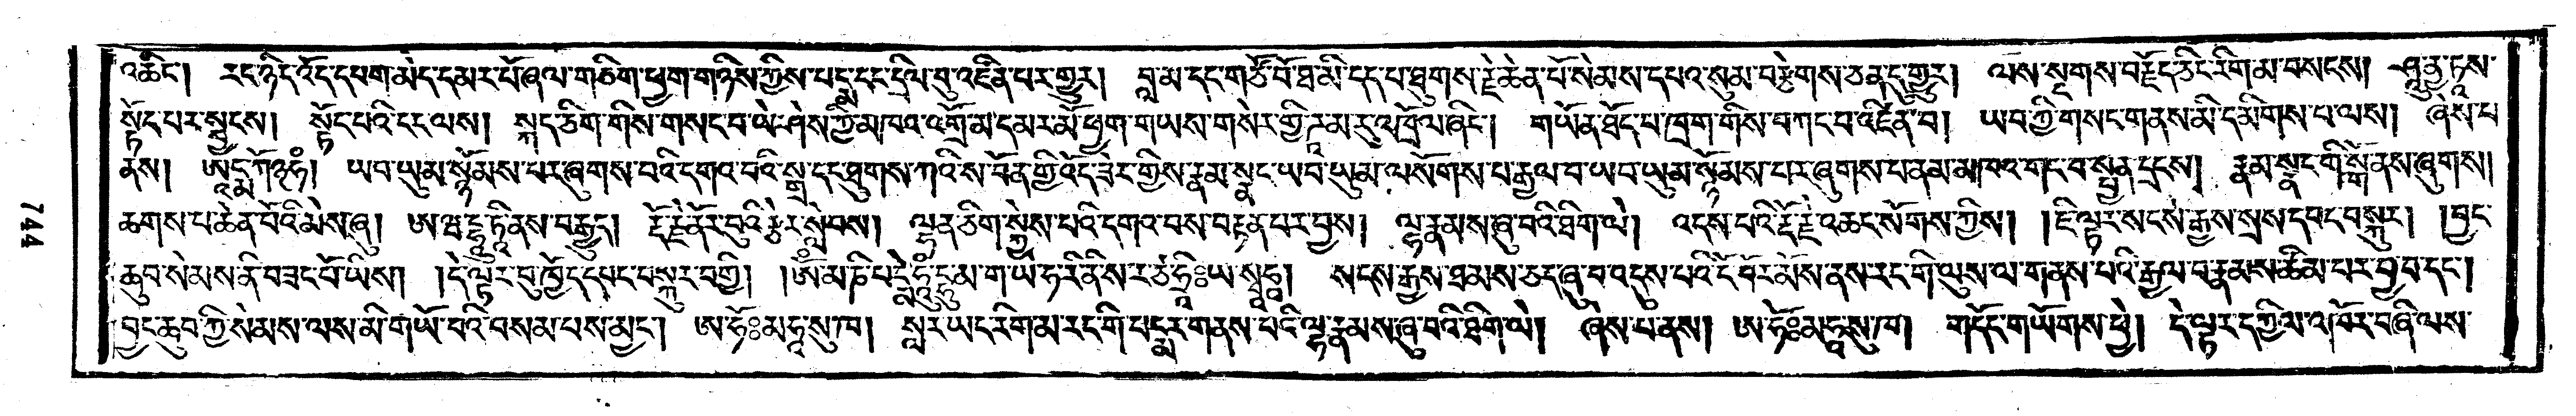འཆིང་། རང་ཉིད་འོད་དཔག་མེད་དམར་པོ་ཞལ་གཅིག་ཕྱག་གཉིས་ཀྱིས་པདམ་དང་དྲིལ་བུ་འཛིན་པར་གྱུར། བླ་མ་དང་གཙོ་བོ་ཐ་མི་དད་པ་ཐུགས་རྗེ་ཆེན་པོ་སེམས་དཔའ་སུམ་བརྩེགས་ཅན་དུ་གྱུར། ལས་སྔགས་བརྗོད་ཅིང་རིག་མ་བསངས། ཤཱུནྱ་ཏཱས་
སྟོང་པར་སྦྱངས། སྟོང་པའི་ངང་ལས། སྐད་ཅིག་གིས་གསང་བ་ཡེ་ཤེས་ཀྱི་མཁའ་འགྲོ་མ་དམར་མོ་ཕྱག་གཡས་གསེར་གྱི་ཌཱ་མ་རུ་འཁྲོལ་ཞིང་། གཡོན་ཐོད་པ་ཁྲག་གིས་བཀང་བ་འཛིན་པ། ཡབ་ཀྱི་གསང་གནས་མི་དམིགས་པ་ལས། ཞེས་པ་
ནས། ཨཱདམ་ཀོཉཧཾ། ཡབ་ཡུམ་སྙོམས་པར་ཞུགས་པའི་དགའ་བའི་སྒྲ་དང་ཐུགས་ཀའི་ས་བོན་གྱི་འོད་ཟེར་གྱིས་རྣམ་སྣང་ཡབ་ཡུམ་ལ་སོགས་པ་རྒྱལ་བ་ཡབ་ཡུམ་སྙོམས་པར་ཞུགས་པ་ནམ་མཁའ་གང་བ་སྤྱན་དྲངས། རྣམ་སྣང་གི་སྒོ་ནས་ཞུགས།
ཆགས་པ་ཆེན་པོའི་མེས་ཞུ། ཨ་ཝ་དྷཱུ་ཏཱི་ནས་བརྒྱུད། རྡོ་རྗེ་ནོར་བུའི་རྩེར་སླེབས། ལྷན་ཅིག་སྐྱེས་པའི་དགའ་བས་བརྟན་པར་བྱས། ལྷ་རྣམས་ཞུ་བའི་ཐིག་ལེ། འདས་པའི་རྡོ་རྗེ་འཆང་སོགས་ཀྱིས། །ཇི་ལྟར་སངས་རྒྱས་སྲས་དབང་བསྐུར། །བྱང་
ཆུབ་སེམས་ནི་བཟང་པོ་ཡིས། །དེ་ལྟར་བུ་ཁྱོད་དབང་བསྐུར་བགྱི། །ཨོཾ་མ་ཎི་པདམེ་ཧཱུཾ་དྷུ་མ་ག་ཡེ་ཧ་རི་ནི་ས་ར་ཙ་ཧྲཱིཿཡ་སྭཱཧཱ། སངས་རྒྱས་ཐམས་ཅད་ཞུ་བ་འདུས་པའི་ངོ་བོར་མོས་ནས་རང་གི་ལུས་ལ་གནས་པའི་རྒྱལ་བ་རྣམས་ཚིམ་པར་བྱ་བ་དང་།
བྱང་ཆུབ་ཀྱི་སེམས་ལས་མི་གཡོ་བའི་བསམ་པས་མྱང་། ཨ་ཧོཿམཧཱ་སུ་ཁ། སླར་ཡང་རིག་མ་རང་གི་པདམར་གནས་པའི་ལྷ་རྣམས་ཞུ་བའི་ཐིག་ལེ། ཞེས་པ་ནས། ཨ་ཧོཿམཧཱ་སུ་ཁ། གདོང་གཡོགས་ཕྱེ། དེ་ལྟར་དཀྱིལ་འཁོར་བཞི་ལས་